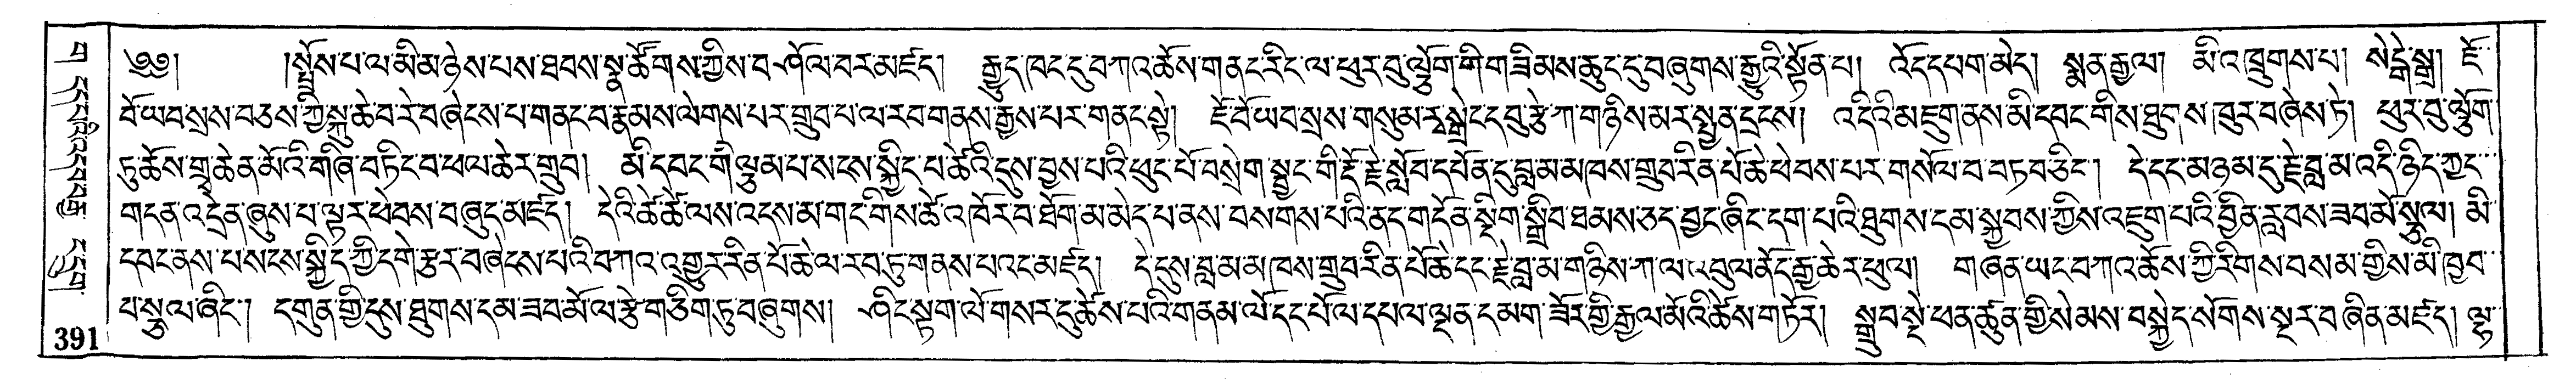༄༅། །སྤྲོས་པ་ལ་མི་མཉེས་པས་ཐབས་སྣ་ཚོགས་ཀྱིས་བཤོལ་བར་མཛད། རྒྱུད་ཁང་དུ་བཀའ་ཆོས་གནང་རིང་ལ་ཕུར་བུ་ལྕོག་གི་གཟིམས་ཆུང་དུ་བཞུགས་རྒྱུའི་སྟོན་པ། འོད་དཔག་མེད། སྨན་རྒྱལ། མི་འཁྲུགས་པ། སེངྒེ་སྒྲ། ཇོ་
བོ་ཡབ་སྲས་བཅས་ཀྱི་སྐུ་ཆེ་བ་རེ་བཞེངས་པ་གནང་བ་རྣམས་ལེགས་པར་གྲུབ་པ་ལ་རབ་གནས་རྒྱས་པར་གནང་སྟེ། ཇོ་བོ་ཡབ་སྲས་གསུམ་རྭ་སྒྲེང་དབུ་རྩེ་ཀ་གཉིས་མར་སྦྱན་དྲངས། འདིའི་མཇུག་ནས་མི་དབང་གིས་ཐུགས་ཁུར་བཞེས་ཏེ། ཕུར་བུ་ལྕོག་
ཏུ་ཆོས་གྲྭ་ཆེན་མོའི་གཞི་བཏིང་བ་ཕལ་ཆེར་གྲུབ། མི་དབང་གི་ལྕམ་པ་སངས་སྐྱིད་པ་ཚེའི་དུས་བྱས་པའི་ཕུང་པོ་བསྲེག་སྦྱང་གི་རྡོ་རྗེ་སློབ་དཔོན་དུ་བླ་མ་མཁས་གྲུབ་རིན་པོ་ཆེ་ཕེབས་པར་གསོལ་བ་བཏབ་ཅིང་། དེ་དང་མཉམ་དུ་རྗེ་བླ་མ་འདི་ཉིད་ཀྱང་
གདན་འདྲེན་ཞུས་པ་ལྟར་ཕེབས་བཞུང་མཛད། དེའི་ཚེ་ཚེ་ལས་འདས་མ་གང་གིས་ཏེས་འཁོར་བ་ཐོག་མ་མེད་པ་ནས་བསགས་པའི་ནད་གདོན་སྡིག་སྒྲིབ་ཐམས་ཅད་བྱང་ཞིང་དག་པའི་ཐུགས་དམ་སྐྱབས་ཀྱིས་འཇུག་པའི་བྱིན་རླབས་ཟབ་མོ་སྩལ། མི་
དབང་ནས་པ་སངས་སྐྱིད་ཀྱི་དགེ་རྩར་བཞངས་པའི་བཀའ་འགྱུར་རིན་པོ་ཆེ་ལ་རབ་ཏུ་གནས་པའང་མཛད། དེ་དུས་བླ་མ་མཁས་གྲུབ་རིན་པོ་ཆེ་དང་རྗེ་བླ་མ་གཉིས་ཀ་ལ་འབུལ་ནོད་རྒྱ་ཆེར་ཕུལ། གཞན་ཡང་བཀའ་ཆོས་ཀྱི་རིགས་བསམ་གྱིས་མི་ཁྱབ་
པ་སྩལ་ཞིང་། དགུན་གྱི་དུས་ཐུགས་དམ་ཟབ་མོ་ལ་རྩེ་གཅིག་ཏུ་བཞུགས། ཤིང་སྟག་ལོ་གསར་དུ་ཚེས་པའི་གནམ་ལོ་དང་པོ་ལ་དཔལ་ལྡན་དམག་ཟོར་གྱི་རྒྱལ་མོའི་ཚེས་གཏོར། སྒྲུབ་སྡེ་ཕན་ཚུན་གྱི་སེམས་བསྐྱེད་སོགས་སྔར་བཞིན་མཛད། ལྷ་